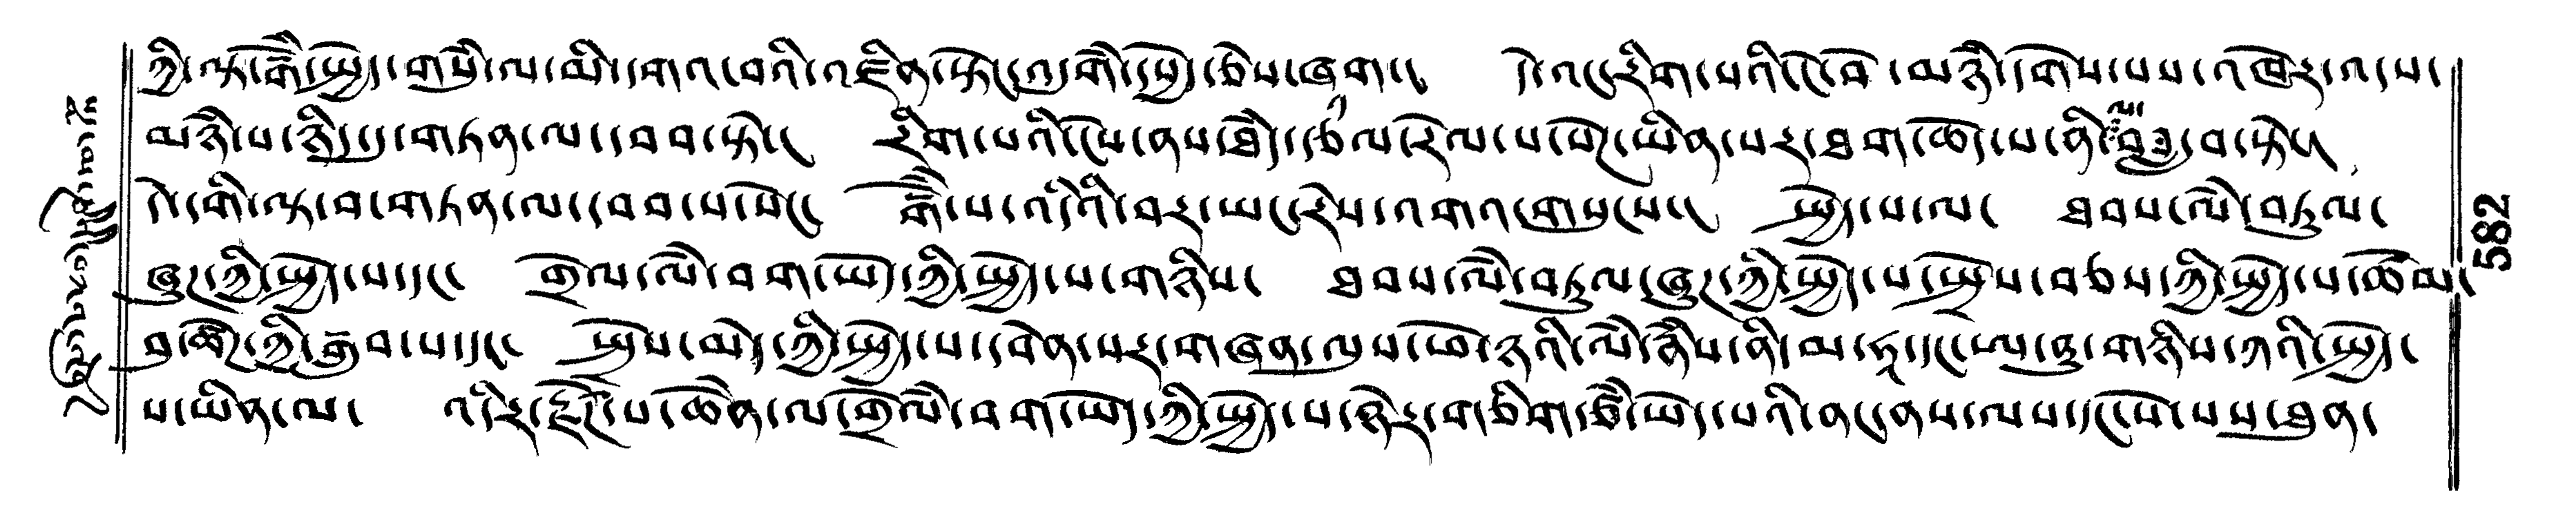ཀྱི་ལྟ་སྒོམ་སྤྱོད་གསུམ་ལ་མི་དགའ་བའི་འཛིན་སྟོང་འདུག་གམ་དཔྱོད་ཅེས་ཞག་གཅིག དེ་འང་རིག་པའི་ངོ་བོ་མཉམ་དགོས་པས་འཁོར་འདས་
མཉམ་པ་ཉིད་དུ་གཏན་ལ་དབབ་སྟེ། རིག་པའི་ངོས་ནས་ཐམས་ཅད་རྩལ་རོལ་པ་སོགས་ཡིན་པར་ཐག་ཆོད་པ་ནི་ལ་བཟླ་བ་སྟེ། 
དེ་དག་གི་ལྟ་བ་གཏན་ལ་དབབ་པ་སོང་། སྒོམ་པ་འདིའི་བར་ཡང་རེས་འགའ་གསུངས། སྤྱོད་པ་ལ།ཐབས་ལམ་བཏུལ་
ཞུགས་ཀྱི་སྤྱོད་པ་དང་། གྲོལ་ལམ་བག་ཡོད་ཀྱི་སྤྱོད་པ་གཉིས། ཐབས་ལམ་བཏུལ་ཞུགས་ཀྱི་སྤྱོད་པ་སྤྲོས་བཅས་ཀྱི་སྤྱོད་པ་ཚོམ་
བུ་ཚོགས་ཀྱི་སྒྲུབ་པ་དང་། སྤྲོས་མེད་ཀྱི་སྤྱོད་པ་དབེན་པར་གཞན་ལུས་ཕོ་ཉའི་ལམ་རྣམས་ནི་མ་ཧཱ་དང་ཨ་ནུ་གཉིས་ཀའི་སྤྱོད་
པ་ཡིན་ལ། འདིར་རྫོགས་པ་ཆེན་པོ་ལ་གྲོལ་ལམ་བག་ཡོད་ཀྱི་སྤྱོད་པ་ཉེར་གཅིག་ཙམ་ཡོད་པའི་ནང་ནས་ལས་དང་པོ་པས་ཐུན་